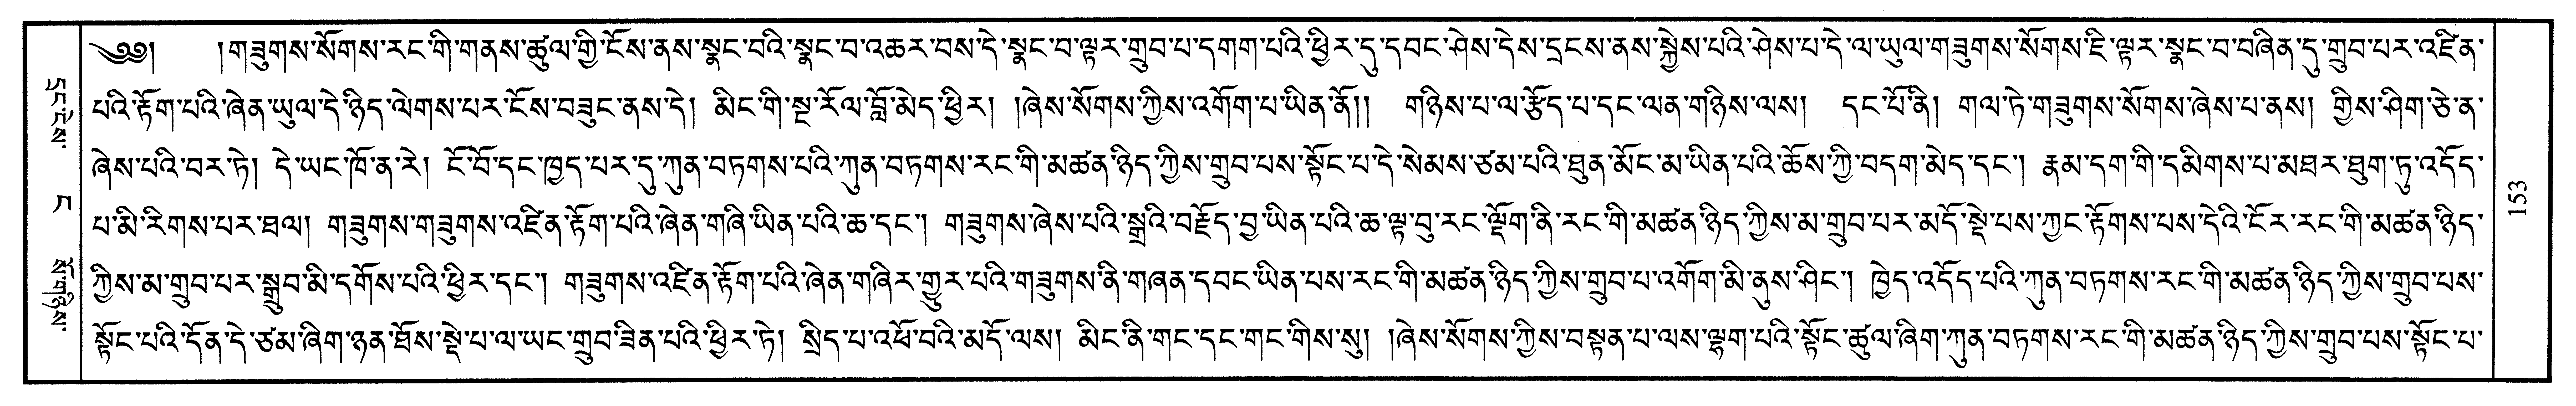༄༅། །གཟུགས་སོགས་རང་གི་གནས་ཚུལ་གྱི་ངོས་ནས་སྣང་བའི་སྣང་བ་འཆར་བས་དེ་སྣང་བ་ལྟར་གྲུབ་པ་དགག་པའི་ཕྱིར་དུ་དབང་ཤེས་དེས་དྲངས་ནས་སྐྱེས་པའི་ཤེས་པ་དེ་ལ་ཡུལ་གཟུགས་སོགས་ཇི་ལྟར་སྣང་བ་བཞིན་དུ་གྲུབ་པར་འཛིན་
པའི་རྟོག་པའི་ཞེན་ཡུལ་དེ་ཉིད་ལེགས་པར་ངོས་བཟུང་ནས་དེ། མིང་གི་སྔ་རོལ་བློ་མེད་ཕྱིར། །ཞེས་སོགས་ཀྱིས་འགོག་པ་ཡིན་ནོ།། གཉིས་པ་ལ་རྩོད་པ་དང་ལན་གཉིས་ལས། དང་པོ་ནི། གལ་ཏེ་གཟུགས་སོགས་ཞེས་པ་ནས། གྱིས་ཤིག་ཅེ་ན་
ཞེས་པའི་བར་ཏེ། དེ་ཡང་ཁོ་ན་རེ། ངོ་བོ་དང་ཁྱད་པར་དུ་ཀུན་བཏགས་པའི་ཀུན་བཏགས་རང་གི་མཚན་ཉིད་ཀྱིས་གྲུབ་པས་སྟོང་པ་དེ་སེམས་ཙམ་པའི་ཐུན་མོང་མ་ཡིན་པའི་ཆོས་ཀྱི་བདག་མེད་དང་། རྣམ་དག་གི་དམིགས་པ་མཐར་ཐུག་ཏུ་འདོད་
པ་མི་རིགས་པར་ཐལ། གཟུགས་གཟུགས་འཛིན་རྟོག་པའི་ཞེན་གཞི་ཡིན་པའི་ཆ་དང་། གཟུགས་ཞེས་པའི་སྒྲའི་བརྗོད་བྱ་ཡིན་པའི་ཆ་ལྟ་བུ་རང་ལྡོག་ནི་རང་གི་མཚན་ཉིད་ཀྱིས་མ་གྲུབ་པར་མདོ་སྡེ་པས་ཀྱང་རྟོགས་པས་དེའི་ངོར་རང་གི་མཚན་ཉིད་
ཀྱིས་མ་གྲུབ་པར་སྒྲུབ་མི་དགོས་པའི་ཕྱིར་དང་། གཟུགས་འཛིན་རྟོག་པའི་ཞེན་གཞིར་གྱུར་པའི་གཟུགས་ནི་གཞན་དབང་ཡིན་པས་རང་གི་མཚན་ཉིད་ཀྱིས་གྲུབ་པ་འགོག་མི་ནུས་ཤིང་། ཁྱེད་འདོད་པའི་ཀུན་བཏགས་རང་གི་མཚན་ཉིད་ཀྱིས་གྲུབ་པས་
སྟོང་པའི་དོན་དེ་ཙམ་ཞིག་ཉན་ཐོས་སྡེ་པ་ལ་ཡང་གྲུབ་ཟིན་པའི་ཕྱིར་ཏེ། སྲིད་པ་འཕོ་བའི་མདོ་ལས། མིང་ནི་གང་དང་གང་གིས་སུ། །ཞེས་སོགས་ཀྱིས་བསྟན་པ་ལས་ལྷག་པའི་སྟོང་ཚུལ་ཞིག་ཀུན་བཏགས་རང་གི་མཚན་ཉིད་ཀྱིས་གྲུབ་པས་སྟོང་པ་